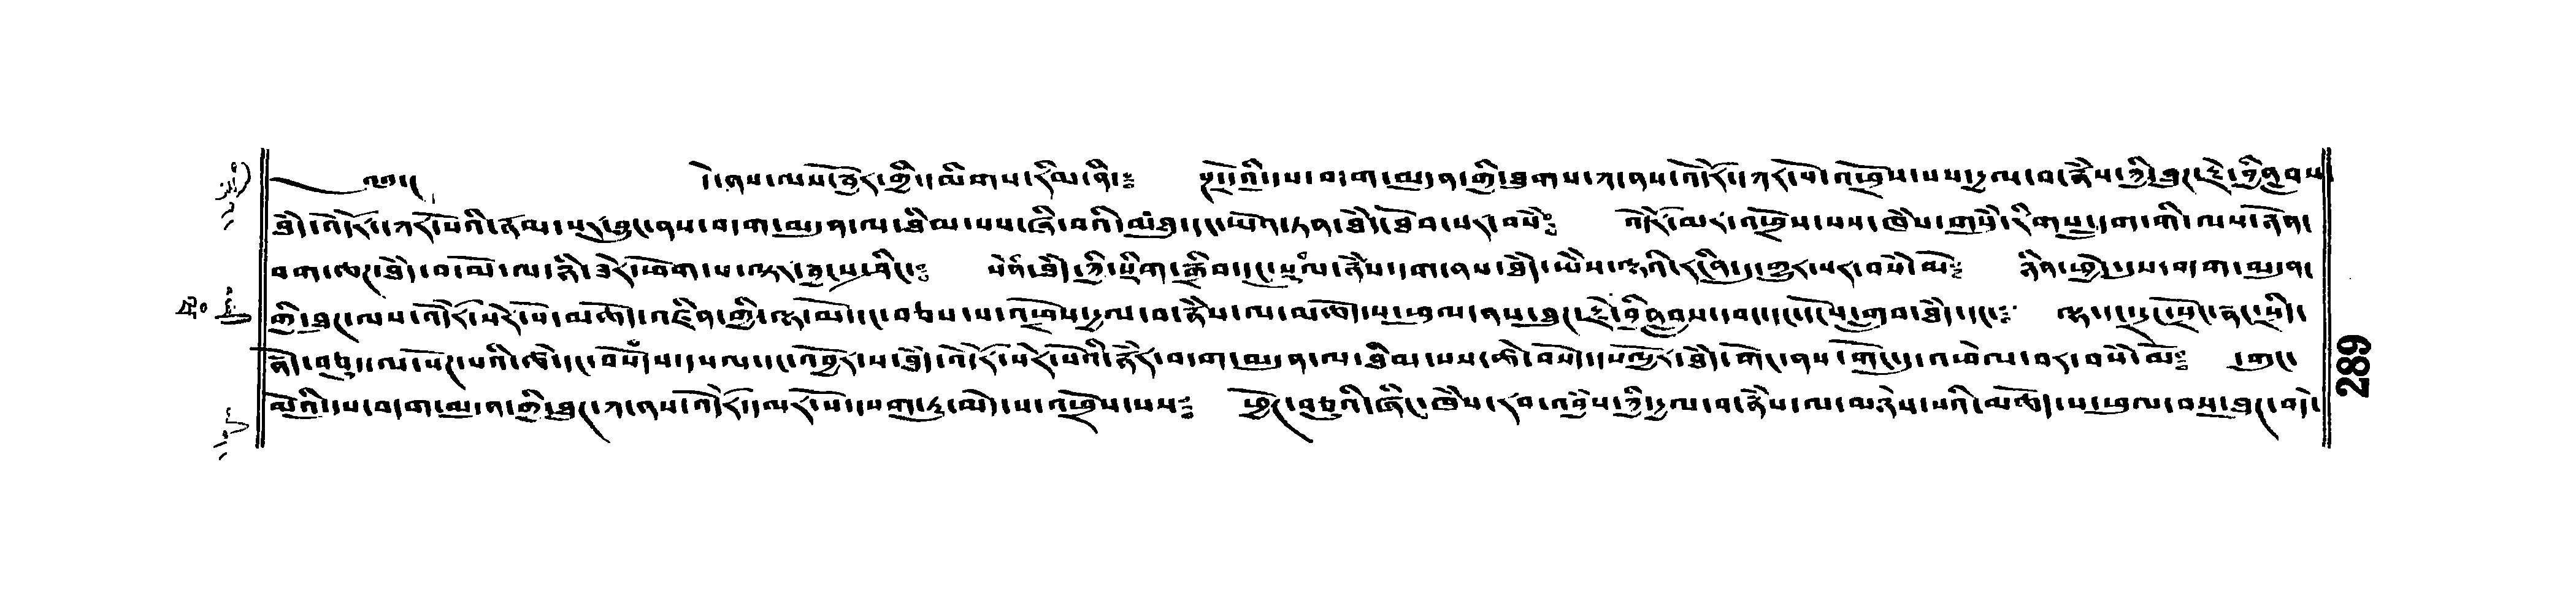དེ་ནས་ལས་སྦྱོར་གྱི་དམིགས་རིམ་ནི༔ སྔ་དྲོའི་དུས་བདག་མདུན་གྱི་ཐུགས་ཀ་ནས་འོད་ཟེར་དཀར་པོ་འཕྲོས་པས་རྒྱལ་བ་རྣམས་ཀྱི་ཐུགས་རྗེ་བྱིན་རླབས་
ཐམས་ཅད་འོད་ཟེར་དཀར་པོའི་རྣམ་པར་བྱུང་ནས་བདག་མདུན་ལ་ཐིམ་པས་ཞི་བའི་མཐུ་དང་ཡོན་ཏན་ཐམས་ཅད་ཐོབ་པར་བསམ༔ འོད་ཟེར་མར་འཕྲོས་པས་ཁམས་གསུམ་རིགས་དྲུག་གི་ལས་ཉོན་
བག་ཆགས་ཐམས་ཅད་བ་མོ་ལ་ཉི་ཟེར་ཕོག་པ་ལྟར་སྦྱངས་ཤིང༔ སེམས་ཅན་ཐམས་ཅད་ཀྱི་སྡིག་སྒྲིབ་དང་སྡུག་བསྔལ་རྣམས་དག་ནས་ཐམས་ཅད་ཡེ་ཤེས་ལྷའི་རང་བཞིན་དུ་གྱུར་པར་བསམ་མོ༔ཉིན་ཕྱེད་དུས་བདག་མདུན་
གྱི་ཐུགས་ལས་འོད་ཟེར་སེར་པོ་མཆོད་འཛིན་གྱི་ལྷ་མོ་དང་བཅས་པ་འཕྲོས༔ རྒྱལ་བ་རྣམས་ལ་མཆོད་པ་ཕུལ་ནས་ཐུགས་རྗེ་བྱིན་རླབས་དབང་དང་དངོས་གྲུབ་ཐམས་ཅད་དང༔ ལྷ་དང་དྲང་སྲོང་སྣང་སྲིད་
སྣོད་བཅུད་ལ་སོགས་པའི་ཚེ་དང་བསོད་ནམས་དཔལ་དང་འབྱོར་པ་ཐམས་ཅད་འོད་ཟེར་སེར་པོའི་རྣམ་པར་དག་མདུན་ལ་ཐིམ་པས་ཚེ་བསོད་དཔལ་འབྱོར་ཐམས་ཅད་གོང་ནས་གོང་དུ་འཕེལ་བར་བསམ་མོ༔ དགུང་
མོའི་དུས་བདག་མདུན་གྱི་ཐུགས་ཀ་ནས་འོད་ཟེར་དམར་པོ་དཔག་ཏུ་མེད་པ་འཕྲོས་པས༔ ཕྱོགས་བཅུའི་ཞིང་ཁམས་རབ་འབྱམས་ཀྱི་རྒྱལ་བ་རྣམས་ལ་མཉེས་པའི་མཆོད་པ་ཕུལ་བས་ཐུགས་བདེ་